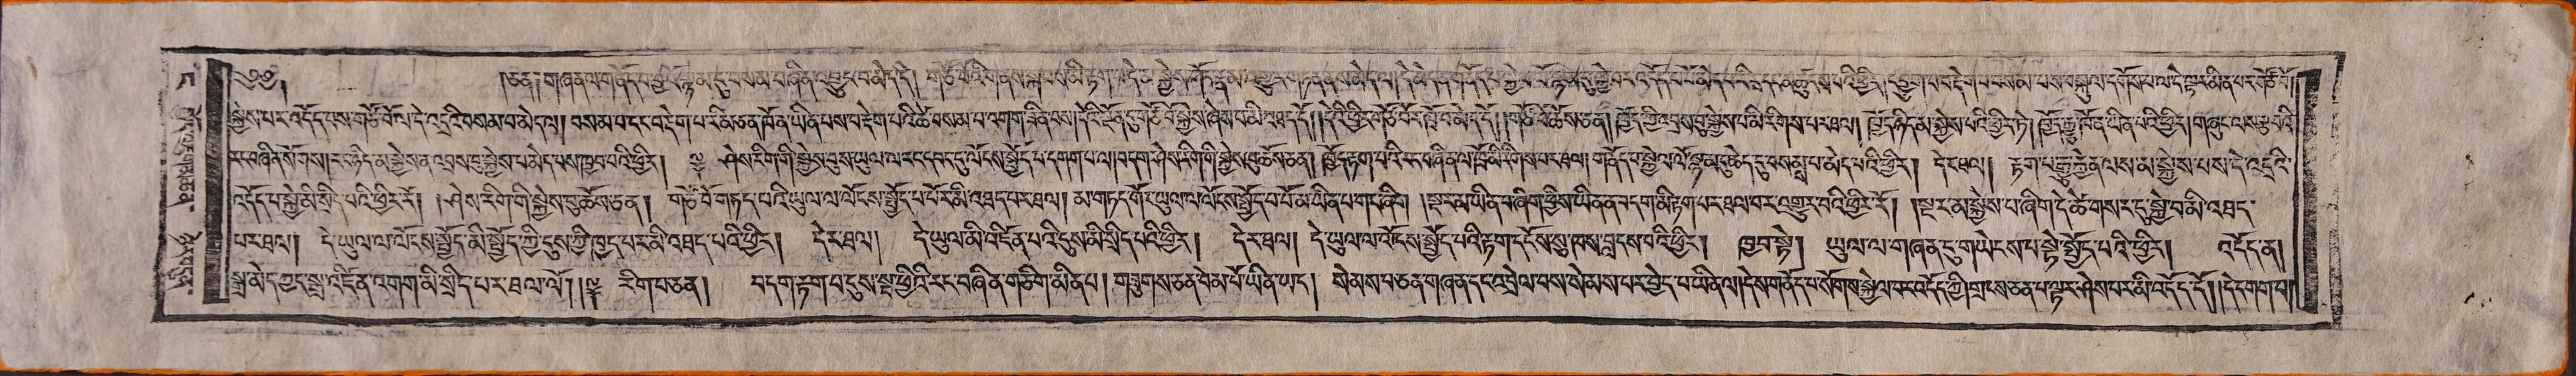༄༅། །ཅན༑ གཞན་ལ་གནོད་པ་བྱའོ་སྙམ་དུ་བསམ་བཞིན་འབྱུང་བ་མེད་དེ། གཙོ་བོའི་གནས་སྐབས་མི་རྟག་པ་དེ་མ་སྐྱེས་གོང་རྣམ་འགྱུར་གཏན་ནས་མེད་ལ། དེ་མེད་ན་གནོད་པ་སྐྱེལ་ལོ་སྙམ་དུ་སྐྱེ་བར་འདོད་པ་པོ་མེད་པ་རི་རྭ་དང་མཚུངས་པའི་ཕྱིར། དབྱུག་པ་བརྡེག་པ་བསམ་པས་བསྐུལ་དགོས་པ་ལ་དེ་ལྟར་མིན་པར་གཙོ་བོ་
སྐྱེས་པར་འདོད་པས་གཙོ་བོ་ལ་དེ་འདྲའི་བསམ་པ་མེད་ལ། བསམ་པ་དང་བརྡེག་པ་རིམ་ཅན་ཁོ་ན་ཡིན་པས་བརྡེག་པའི་ཚེ་བསམ་པ་འགག་ཟིན་པས། དེའི་སྔོན་དུ་གཙོ་བོ་སྐྱེས་ཞེས་པ་མི་འཐད་དོ། །དེའི་ཕྱིར་གཙོ་བོར་ཁྲོ་བ་མེད་དོ། །གཙོ་བོ་ཆོས་ཅན། ཁྱོད་ཀྱི་འབྲས་བུ་སྐྱེས་པ་མི་རིགས་པར་ཐལ། ཁྱོད་ཉིད་མ་སྐྱེས་པའི་ཕྱིར་ཏེ། ཁྱོད་རྒྱུ་ཁོ་ན་ཡིན་པའི་ཕྱིར། གཞུང་ལས་རྩ་བའི་
རང་བཞིན་སོགས། རང་ཉིད་མ་སྐྱེས་ན་འབྲས་བུ་སྐྱེས་པ་མེད་པས་ཁྱབ་པའི་ཕྱིར། ༈ ཤེས་རིག་གི་སྐྱེས་བུས་ཡུལ་ལ་རང་དབང་དུ་ལོངས་སྤྱོད་བ་དགག་པ་ལ། བདག་ཤེས་རིག་གི་སྐྱེས་བུ་ཆོས་ཅན། ཁྱོད་རྟག་པའི་རང་བཞིན་ལ་ཁོ་མི་རིགས་པར་ཐལ། གནོད་པ་སྐྱེལ་ལོ་སྙམ་དུ་ཆེད་དུ་བསམས་པ་མེད་པའི་ཕྱིར། དེར་ཐལ། རྟག་པ་རྒྱུ་རྐྱེན་ལས་མ་སྐྱེས་པས་དེ་འདྲའི་
འདོད་པ་སྐྱེ་མི་སྲིད་པའི་ཕྱིར་རོ། །ཤེས་རིག་གི་སྐྱེས་བུ་ཆོས་ཅན། གཙོ་བོ་གཏད་པའི་ཡུལ་ལ་ལོངས་སྤྱོད་པ་པོར་མི་འཐད་པར་ཐལ། མ་གཏད་གོང་ཡུལ་ལ་ལོངས་སྤྱོད་པ་པོ་མ་ཡིན་པ་གང་ཞིག །སྔར་མ་ཡིན་པ་ཞིག་བྱིས་ཡིན་ན་བདག་མི་རྟག་པར་ཐལ་བར་འགྱུར་བའི་ཕྱིར་རོ། །སྔར་མ་སྐྱེས་པ་ཞིག་དེ་ཚེ་གསར་དུ་སྐྱེ་བ་མི་འཐད་
བར་ཐལ། དེ་ཡུལ་ལ་ལོངས་སྤྱོད་མི་སྤྱོད་ཀྱི་དུས་ཀྱི་ཁྱད་པར་མི་འཐད་པའི་ཕྱིར། དེར་ཐལ། དེ་ཡུལ་མི་འཛིན་པའི་དུས་མི་སྲིད་པའི་ཕྱིར། དེར་ཐལ། དེ་ཡུལ་ལ་ལོངས་སྤྱོད་པའི་རྟག་དངོས་སུ་ཁས་བླངས་པའི་ཕྱིར། ཁྱབ་སྟེ། ཡུལ་ལ་གཞན་དུ་གཡེངས་པ་སྟེ་སྤྱོད་པའི་ཕྱིར། འདོད་ན།
སྒྲ་མེད་ཀྱང་སྒྲ་འཛིན་འགག་མི་སྲིད་པར་ཐལ་ལོ། །༈ རིག་པ་ཅན། བདག་རྟག་པ་དུས་སྔ་ཕྱིའི་རང་བཞིན་གཅིག་མིན་པ། གཟུགས་ཅན་བེམ་པོ་ཡིན་ཡང་། སེམས་པ་ཅན་གཞན་དང་འབྲེལ་བས་སེམས་པར་བྱེད་པ་ཡིན་གདེས་གནོད་པ་སོགས་སྐྱེལ་བར་འདོད་ཀྱི། གྲངས་ཅན་པ་ལྟར་ཤེས་པར་མི་འདོད་དོ། །དེ་དགག་བ།